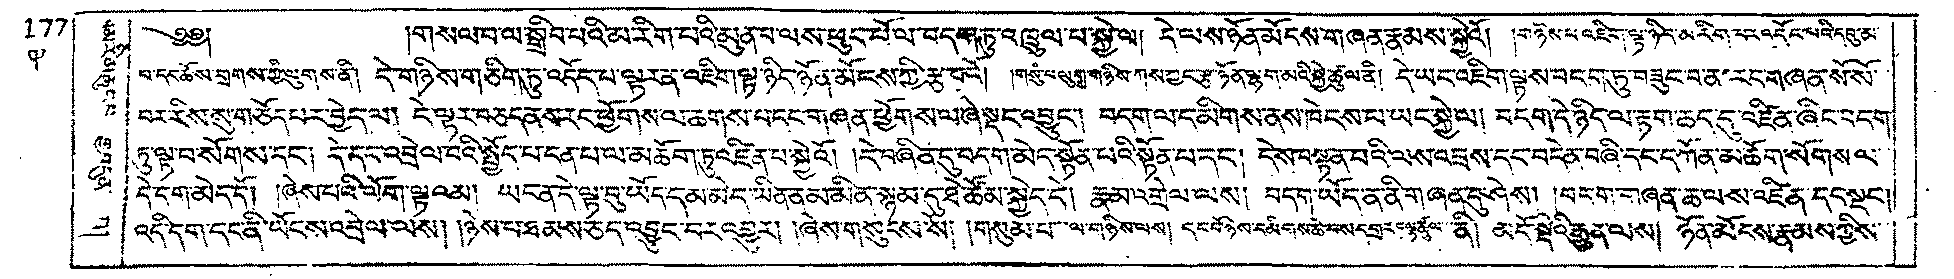༄༅། །གསལ་བ་ལ་སྒྲིབ་པའི་མ་རིག་པའི་མུན་པ་ལས་ཕུང་པོ་ལ་བདག་ཏུ་འཁྲུལ་པ་སྐྱེ་ལ། དེ་ལས་ཉོན་མོངས་གཞན་རྣམས་སྐྱེའོ། །གཉིས་པ་འཇིག་ལྟ་ཉིད་མ་རིག་པར་འདོད་པའི་དབུ་མ་
པ་དང་ཆོས་གྲགས་ཀྱི་ལུགས་ནི། དེ་གཉིས་གཅིག་ཏུ་འདོད་པ་ལྟར་ན་འཇིག་ལྟ་ཉིད་ཉོན་མོངས་ཀྱི་རྩ་བའོ། ། གསུཾ་པ་ལུགས་གཉིས་ཀས་ཀྱང་རྩ་ཉོན་ལྷག་མའི་སྐྱེ་ཚུལ་ནི།  དེ་ཡང་འཇིག་ལྟས་བདག་ཏུ་བཟུང་བ་ན་རང་གཞན་སོ་སོ་
བར་རིས་སུ་གཅོད་པར་བྱེད་ལ། དེ་ལྟར་བཅད་ནས་རང་ཕྱོགས་ལ་ཆགས་པ་དང་གཞན་ཕྱོགས་ལ་ཞེ་སྡང་འབྱུང་། བདག་ལ་དམིགས་ནས་ཁེངས་པ་ཡང་སྐྱེ་ལ། བདག་དེ་ཉིད་ལ་རྟག་ཆད་དུ་འཛིན་ཞིང་བདག་
ཏུ་ལྟ་བ་སོགས་དང་། དེ་དང་འབྲེལ་བའི་སྤྱོད་པ་ངན་པ་ལ་མཆོག་ཏུ་འཛིན་པ་སྐྱེའོ། །དེ་བཞིན་དུ་བདག་མེད་སྟོན་པའི་སྟོན་པ་དང་། དེས་བསྟན་པའི་ལས་འབྲས་དང་བདེན་བཞི་དང་དཀོན་མཆོག་སོགས་ལ་
དེ་དག་མེད་དོ། །ཞེས་པའི་ལོག་ལྟའམ། ཡང་ན་དེ་ལྟ་བུ་ཡོད་དམ་མེད་ཡིན་ནམ་མིན་སྙམ་དུ་ཐེ་ཚོམ་སྐྱེད་དེ། རྣམ་འགྲེལ་ལས། བདག་ཡོད་ན་ནི་གཞན་དུ་ཤེས། །བདག་གཞན་ཆ་ལས་འཛིན་དང་སྡང་།
འདི་དག་དང་ནི་ཡོངས་འབྲེལ་ལས། །ཉེས་པ་ཐམས་ཅད་འབྱུང་བར་འགྱུར། །ཞེས་གསུངས་སོ། །གསུམ་པལ་གཉིས་ལས། དང་པོ་ཉེས་དམིགས་ཆེ་བས་དགྲར་བལྟ་ཚུལནི། མདོ་སྡེའི་རྒྱུན་ལས། ཉོན་མོངས་རྣམས་ཀྱིས་